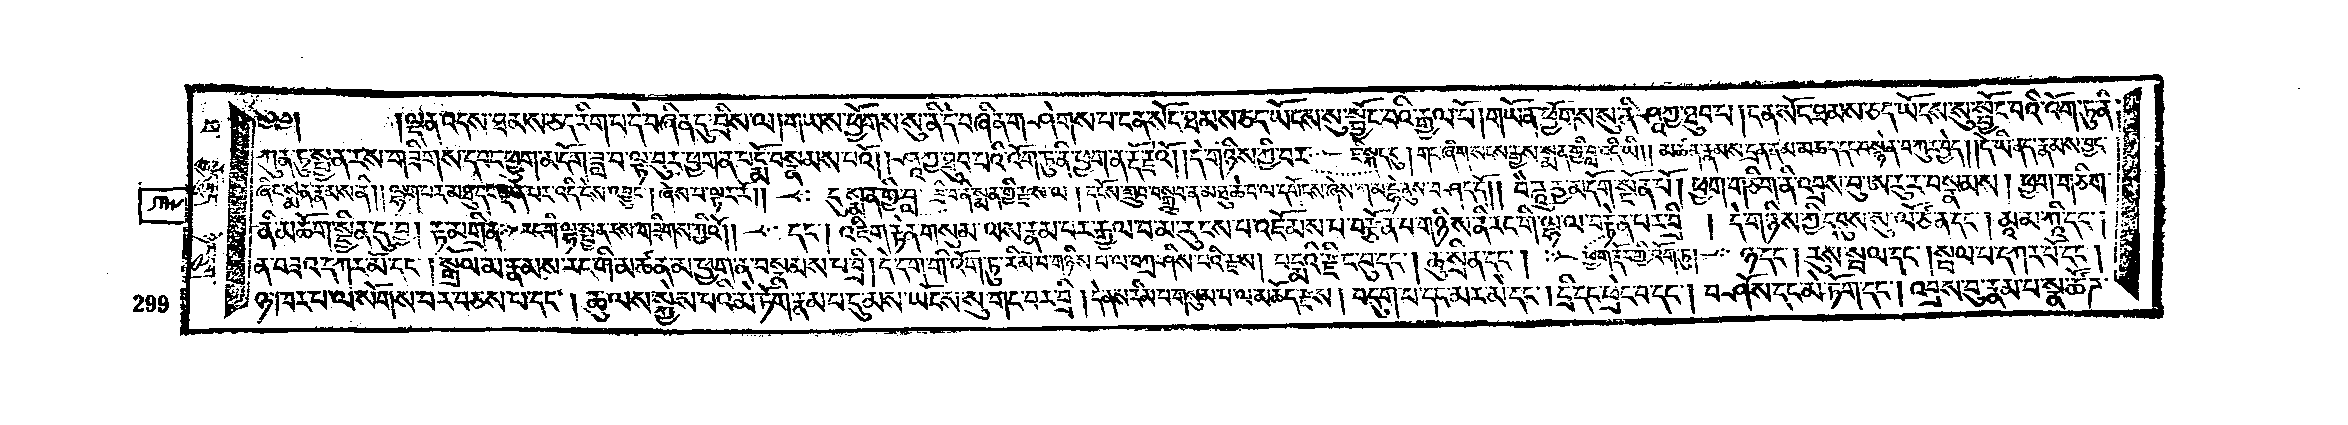༄༅། །ལྡན་འདས་ཐམས་ཅད་རིག་པ་དེ་བཞིན་དུ་བྲིས་ལ། གཡས་ཕྱོགས་སུ་ནི་དེ་བཞིན་གཤེགས་པ་ངན་སོང་ཐམས་ཅད་ཡོངས་སུ་སྦྱོང་བའི་རྒྱལ་པོ། གཡོན་ཕྱོགས་སུ་ནི་ཤཱཀྱ་ཐུབ་པ། ངན་སོང་ཐམས་ཅད་ཡོངས་སུ་སྦྱོང་བའི་འོག་ཏུ་ནི།
ཀུན་ཏུ་སྤྱན་རས་གཟིགས་དབང་ཕྱུག་མདོག་ཟླ་བ་ལྟ་བུར་ཕྱག་ན་པདམོ་བསྣམས་པའོ། །ཤཱཀྱ་ཐུབ་པའི་འོག་ཏུ་ནི་ཕྱག་ན་རྡོ་རྗེའོ། །དེ་གཉིས་ཀྱི་བར་H.་ཇི་སྐད་དུ། གང་ཞིག་སངས་རྒྱས་སྨན་གྱི་བླ་འདི་ཡི། །མཚན་རྣམས་དྲན་ནམ་མཆད་དང་བསྙེན་བཀུར་བྱེད། །དེ་ཡི་ནད་རྣམས་བྱང་
ཞིང་སྨན་རྣམས་ནི། །ལྷག་པར་མཐུ་དང་ལྡན་པར་འདི་ངེས་འབྱུང་། ཞེས་པ་ལྟར་རོ།། .H དུ་སྨན་གྱི་བླ་བྲི་བ་ནི་སྨན་གྱི་རྫས་ལ། དངོས་གྲུབ་བསྒྲུབ་ན་མཐུ་ཆེ་བ་ལ་དགོངས་ཞེས་ཀ་མ་དྷེ་ནུས་བཤད་དོ།  །བཻཌཱུརྱ་མདོག་སྔོན་པོ། ཕྱག་གཅིག་ནི་འབྲས་བུ་ཨ་རུ་ར་བསྣམས། ཕྱག་གཅིག་
ནི་མཆོག་སྦྱིན་དུ་བྱ། རྟ་མགྲིན་H.་རང་གི་ལྷ་སྤྱན་རས་གཟིགས་ཀྱིའོ།།  .Hདང་། འཇིག་རྟེན་གསུམ་ལས་རྣམ་པར་རྒྱལ་བ་མ་རུངས་པ་འཇོམས་པ་བརྩོན་པ་གཉིས་ནི་རང་གི་ལྷ་ལ་བརྟེན་པར་བྲི། དེ་གཉིས་ཀྱི་དབུས་སུ་ལོ་ཙ་ན་དང་། མཱ་མ་ཀཱི་དང་།
ན་བཟའ་དཀར་མོ་དང་། སྒྲོལ་མ་རྣམས་རང་གི་མཚན་མ་ཕྱག་ན་བསྣམས་པ་བྲི། དེ་དག་གི་འོག་ཏུ་རིམ་པ་གཉིས་པ་ལ་བཀྲ་ཤིས་པའི་རྫས།  པདམའི་རྫིང་བུ་དང་། ཆུ་སྲིན་དང་། H.་ཕྱག་རྡོར་གྱི་འོག་ཏུ།  .Hཉ་དང་། རུས་སྦལ་དང་། སྦལ་པ་དཀར་པོ་དང་།
ཉ་ཁར་པ་ལ་སོགས་བར་བཅས་པ་དང་། ཆུ་ལས་སྐྱེས་པའི་མེ་ཏོག་རྣམ་པ་དུ་མས་ཡོངས་སུ་གང་བར་བྲི། དེ་ནས་རིམ་པ་གསུམ་པ་ལ་མཆོད་རྫས།  བདུག་པ་དང་མར་མེ་དང་། དྲི་དང་ཕྲེང་བ་དང་། བཤོས་དང་མེ་ཏོག་དང་། འབྲས་བུ་རྣམ་པ་སྣ་ཚོགས་